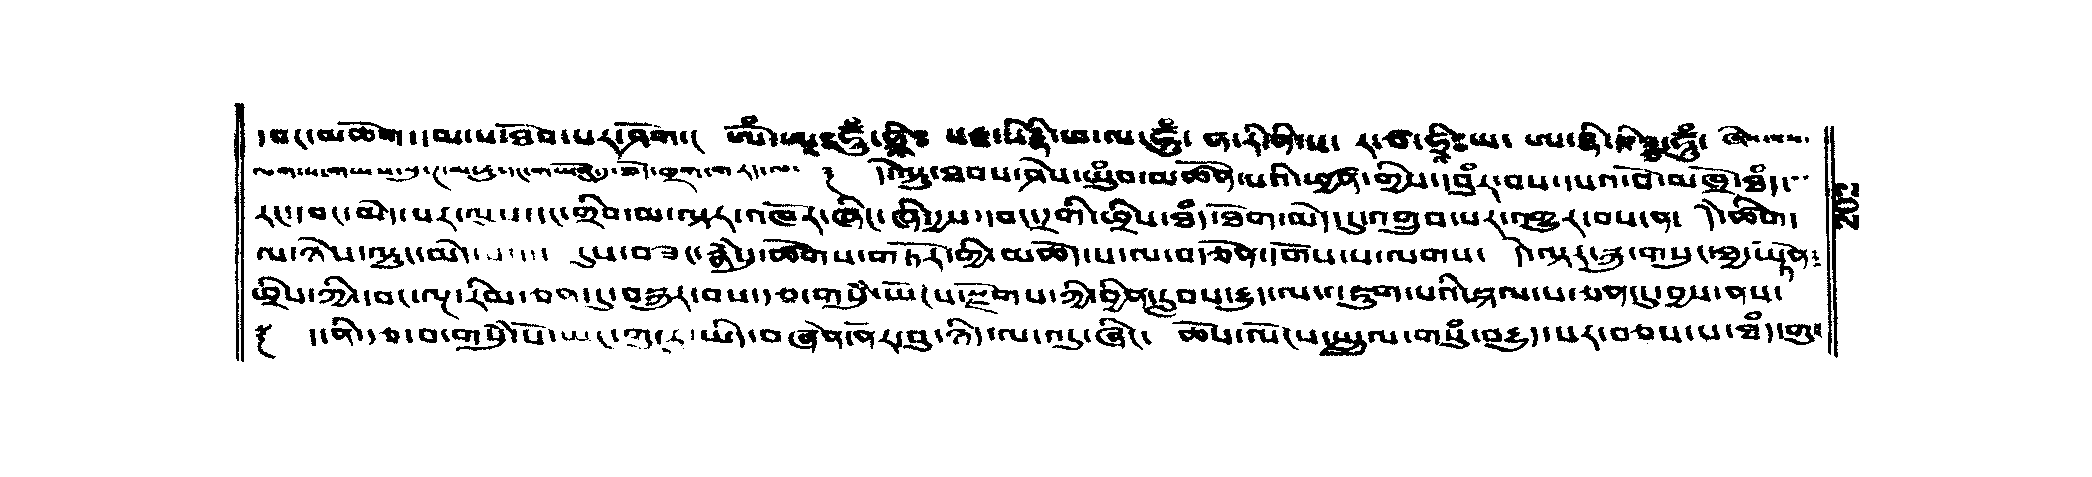དབང་མཆོག་དམ་པ་ཐོབ་པར་ཤོག ཨོཾ་ཨཱཿཧཱུྃ་ཧྲཱིཿ སརྦ་སིདྡྷི་ཕ་ལ་ཧཱུྃ། ཧ་རི་ནི་ས། ར་ཙ་ཧྲཱིཿཡ། ཨ་བྷི་རིཉྩ་ཧཱུྃ། ཞེས་པས་
ལག་པ་གཡས་སུ་ཌཱ་མ་རུ་དང་གཡོན་དུ་ཐོད་ཁྲག་གཏད་ལ། ༈ དེ་ལྟ་བུ་ཐབས་ཤེས་ཡབ་ཡུམ་མཚོན་པའི་ཕྱག་མཚན་གྱིས་དབང་བསྐུར་བས་དཔའ་བོ་མཁའ་འགྲོ་ཐམས་ཅད་
རང་དབང་མེད་པར་ལུས་དང་གྲིབ་མ་ལྟར་འཁོར་ཞིང་ཞི་རྒྱས་དབང་དྲག་གི་ཕྲིན་ལས་ཐམས་ཅད་ཐོག་མེད་དུ་འགྲུབ་པར་འགྱུར་བས་ན། དམ་ཚིག་
ལ་ཉེ་ལྟ་བུ་མེད་པ་དང་། དུས་བཟང་རྣམ་དུ་ཚོགས་གཏོར་གྱི་མཆོད་པ་ལ་བརྩོན་དགོས་པ་ལགས། དེ་ལྟར་སྐུ་གསུམ་ཐུགས་ཡོན་ཏན་
ཕྲིན་ལས་ཀྱི་དབང་ལྔ་རིམ་ཅན་དུ་བསྐུར་བས་རྩ་གསུམ་ཡོངས་རྫོགས་ཀྱི་བྱིན་རླབས་རྒྱུད་ལ་འཇུག་པའི་སྐལ་པ་ཅན་དུ་བྱས་ནས། 
༈ ད་ནི་རྩ་བ་གསུམ་པོ་ཡང་ཀུ་རུ་ཡིད་བཞིན་ནོར་བུ་ཉིད་ལ་འདུ་ཞིང་། ཆོས་ལོངས་སྤྲུལ་གསུམ་བརྒྱུད་པར་བཅས་པ་ཐམས་ཅད་གུ་